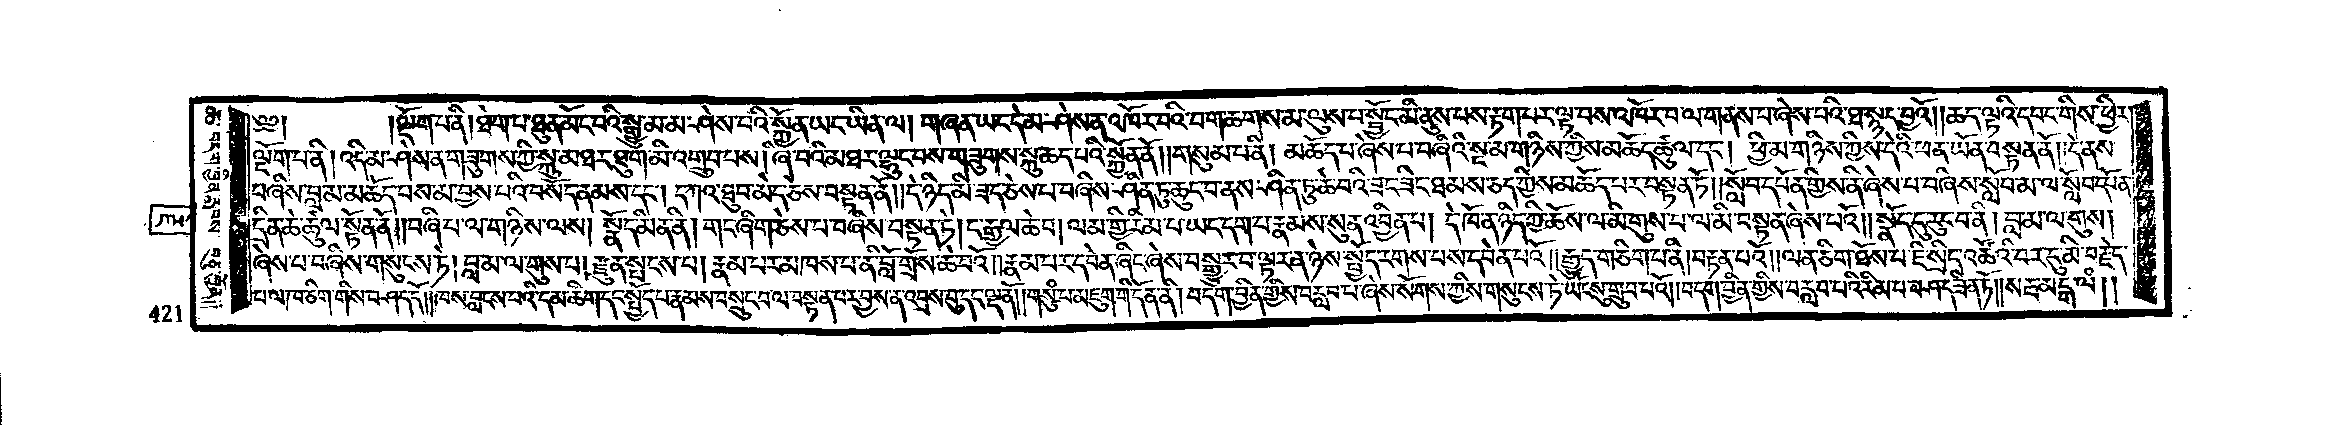༄༅། །ལྡོག་པ་ནི། ཐེག་པ་ཐུན་མོང་བའི་སྒྱུ་མ་མ་ཤེས་པའི་སྐྱོན་ཡང་ཡིན་ལ། གཞན་ཡང་དེ་མ་ཤེས་ན་འཁོར་བའི་བག་ཆགས་མ་ལུས་པ་སྦྱོང་མི་ནུས་པས་རྟག་པར་ལྟ་བས་འཁོར་བ་ལ་གནས་པ་ཞེས་པའི་ཐ་སྙད་བྱའོ། །ཆད་ལྟའི་དབང་གིས་ཕྱིར་
ལྡོག་པ་ནི། འདི་མ་ཤེས་ན་གཟུགས་ཀྱི་སྐུ་མཐར་ཐུག་མི་འགྲུབ་པས། ཞི་བའི་མཐར་ལྷུང་བས་གཟུགས་སྐུ་ཆད་པའི་སྐྱོན་ནོ། །གསུམ་པ་ནི། མཆོད་པ་ཞེས་པ་བཞིའི་སྔ་མ་གཉིས་ཀྱིས་མཆོད་ཚུལ་དང་། ཕྱི་མ་གཉིས་ཀྱིས་དེའི་ཕན་ཡོན་བསྟན་ནོ། །དེ་ནས་
བཞིས་བླ་མ་མཆོད་པས་མ་བྱས་པའི་བསོད་ནམས་དང་། དཀའ་ཐུབ་མེད་ཅེས་བསྟན་ནོ། །དེ་ཉིད་མི་ཟད་ཅེས་པ་བཞིས་ཤིན་ཏུ་ཆུང་བ་ནས་ཤིན་ཏུ་ཆེ་བའི་ཟང་ཟིང་ཐམས་ཅད་ཀྱིས་མཆོད་པར་བསྟན་ཏོ། །སློབ་དཔོན་གྱིས་ནི་ཞེས་པ་བཞིས་སློབ་མ་ལ་སློབ་དཔོན་
དྲིན་ཆེ་ཚུལ་སྟོན་ནོ། །བཞི་པ་ལ་གཉིས་ལས། སྣོད་མིན་ནི། གང་ཞིག་ཅེས་པ་བཞིས་བསྟན་ཏེ། ང་རྒྱལ་ཆེ་བ། ལམ་གྱི་རིམ་པ་ཡང་དག་པ་རྣམས་སུན་འབྱིན་པ། དེ་ཁོ་ན་ཉིད་ཀྱི་ཆོས་ལ་མི་གུས་པ་ལ་མི་བསྟན་ཞེས་པའོ། །སྣོད་དུ་རུང་བ་ནི། བླ་མ་ལ་གུས།
ཞེས་པ་བཞིས་གསུངས་ཏེ། བླ་མ་ལ་གུས་པ། རྫུན་སྤངས་པ། རྣམ་པར་མཁས་པ་ནི་བློ་གྲོས་ཆེ་བའོ། །རྣམ་པར་དབེན་ཞིང་ཞེས་བསྒྱུར་བ་ལྟར་ན་ཉེས་སྤྱོད་རགས་པས་དབེན་པའོ། །རྒྱུད་གཅིག་པ་ནི། བརྟན་པའོ། །ལན་ཅིག་ཐོས་པ་ཇི་སྲིད་འཚོའི་བར་དུ་མི་བརྗེད་
པ་ལ་ཁ་ཅིག་གིས་བཤད་དོ། །ཁས་བླངས་པའི་དམ་ཚིག་དང་སྤྱོད་པ་རྣམས་བསྲུང་བ་ལ་བསྟན་པར་བྱས་ན་འབྲས་བུ་དང་ལྡན་ནོ། །གསུམ་པ་མཇུག་གི་དོན་ནི། བདག་བྱིན་གྱིས་བརླབ་པ་ཞེས་སོགས་ཀྱིས་གསུངས་ཏེ་ཡོངས་སུ་གྲུབ་པའོ། །བདག་བྱིན་གྱིས་བརླབ་པའི་རིམ་པ་བཤད་ཟིན་ཏོ། །སརྦ་མངྒ་ལཾ།